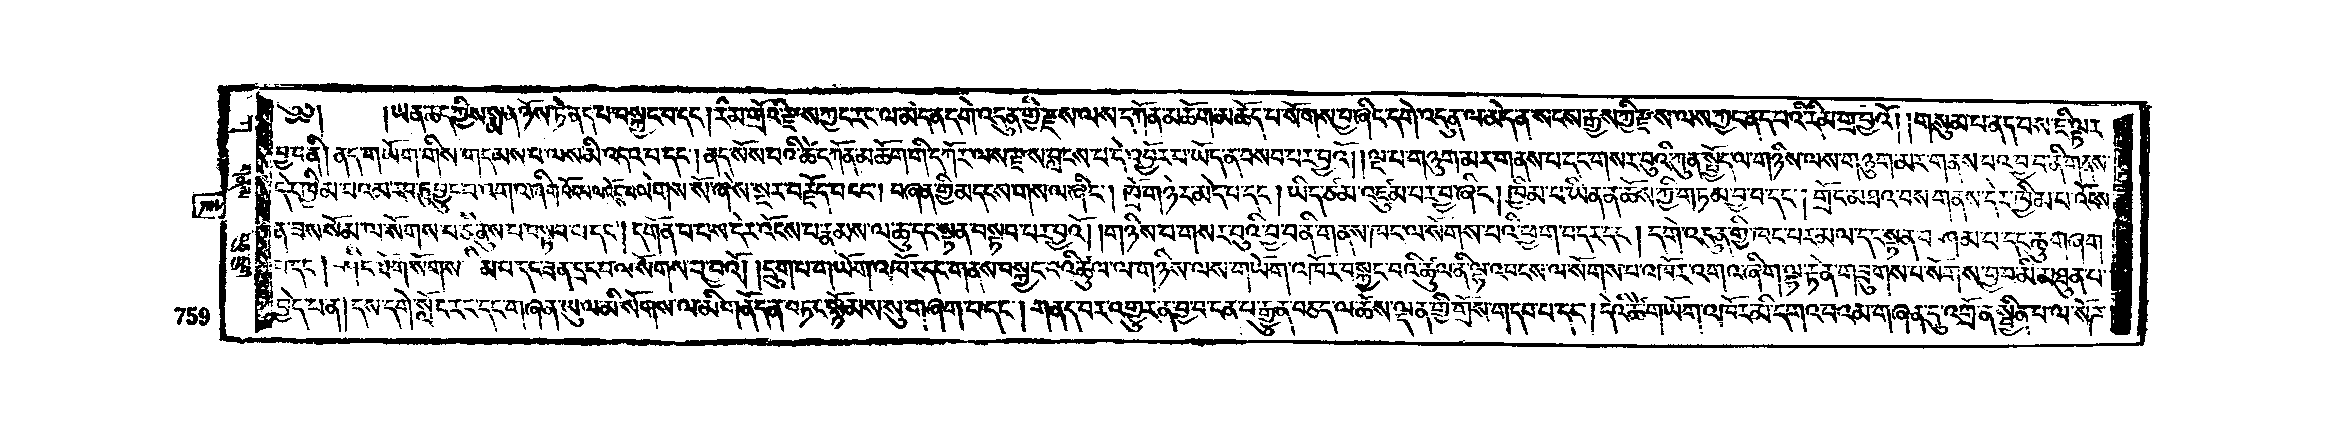༄༅། །ཡན་ཆད་ཀྱིས་སྨན་ཉོས་ཏེ་ནད་པ་བསྐྱང་བ་དང་། རིམ་གྲོའི་རྫས་ཀྱང་རང་ལ་མེད་ན་དགེ་འདུན་གྱི་རྫས་ལས་དཀོན་མཆོག་མཆོད་པ་སོགས་བྱ་ཞིང་དགེ་འདུན་ལ་མེད་ན་སངས་རྒྱས་ཀྱི་རྫས་ལས་ཀྱང་ནད་པའི་རིམ་གྲ་བྱའོ། །གསུམ་པ་ནད་པས་ཇི་ལྟར་
བྱ་བ་ནི། ནད་གཡོག་གིས་གདམས་པ་ལས་མི་འདའ་བ་དང་། ནད་སོས་པའི་ཚེ་དཀོན་མཆོག་གི་དཀོར་ལས་རྫས་བླངས་པ་དེ་འབྱོར་པ་ཡོད་ན་བསབ་པར་བྱའོ། །ལྔ་པ་གཉུག་མར་གནས་པ་དང་གསར་བུའི་ཀུན་སྤྱོད་ལ་གཉིས་ལས་གཉུག་མར་གནས་པའི་བྱ་བ་ནི་གནས་
དེར་ཁྱིམ་པའམ་རབ་ཏུ་བྱུང་བ་འགའ་ཞིག་འོང་པ་ལ་འོངས་པ་ལེགས་སོ་ཞེས་སྔར་བརྗོད་པ་དང་། གཞན་གྱི་མདངས་གསལ་ཞིང་། ཁྲོ་གཉེར་མེད་པ་དང་། ཡིད་ཙམ་འཛུམ་པར་བྱ་ཞིང་། ཁྱིམ་པ་ཡིན་ན་ཆོས་ཀྱི་གཏམ་བྱ་བ་དང་། གྲོང་མཐའ་བས་གནས་དེར་ཁྱིམ་པ་འོངས་
ན་ཟས་སོམ་ལ་སོགས་པ་ཅི་ནུས་པ་བསྟབ་པ་དང་། དགོན་པ་པས་དེར་འོངས་པ་རྣམས་ལ་ཆུ་དང་སྟན་བསྟབ་པར་བྱའོ། །གཉིས་པ་གསར་བུའི་བྱ་བ་ནི་གནས་ཁང་ལ་སོགས་པའི་ཕྱག་བདར་དང་། དགེ་འདུན་གྱི་ཁང་པར་མལ་དང་སྟན་བཤམ་པ་དང་ཆུ་གཞག་
པ་དང་། ཤིང་ཐོག་སོགས་མི་པ་དང་ཟན་དྲང་བ་ལ་སོགས་པ་བྱའོ། །དྲུག་པ་གཡོག་འཁོར་དང་གནས་བསྐྱང་བའི་ཚུལ་ལ་གཉིས་ལས་གཡོག་འཁོར་བསྐྱང་བའི་ཚུལ་ནི་ལྷ་འབངས་ལ་སོགས་པ་འཁོར་འགའ་ཞིག་ལྷ་རྟེན་གཟུགས་པ་སོགས་བྱ་བ་མི་མཐུན་པ་
བྱེད་པ་ན། དས་དགེ་སློང་རང་དང་གཞན་ཡུལ་མི་སོགས་ལ་མི་གནོད་ན་བཏང་སྙོམས་སུ་གཞག་པ་དང་། གནད་པར་འགྱུར་ན་བྱ་བ་ངན་པ་རྒྱུན་བཅད་ལ་ཆོས་ལྡན་གྱི་གྲོས་གདབ་པ་དང་། དེའི་ཚེ་གཡོག་འཁོར་མི་དགའ་བའམ་གཞན་དུ་འགྲོ་ན་སྦྱིན་པ་ལ་སོཌ་